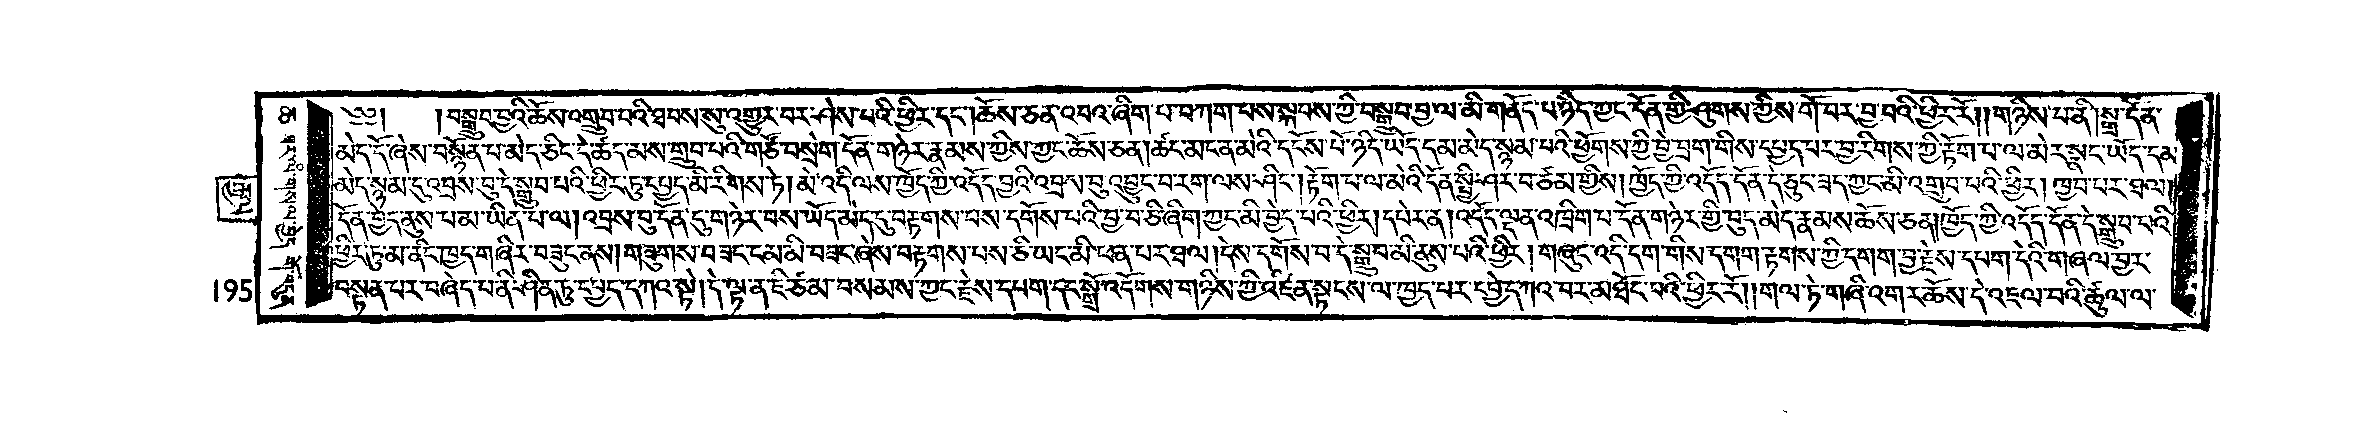༄༅། །བསྒྲུབ་བྱའི་ཆོས་འགྲུབ་པའི་ཐབས་སུ་འགྱུར་བར་ཤེས་པའི་ཕྱིར་དང་། ཆོས་ཅན་འབའ་ཞིག་པ་བཀག་པས་སྐབས་ཀྱི་བསྒྲུབ་བྱ་ལ་མི་གནོད་པ་ཉིད་ཀྱང་དོན་གྱི་ཤུགས་ཀྱིས་གོ་བར་བྱ་བའི་ཕྱིར་རོ། །གཉིས་པ་ནི། སྒྲ་དོན་
མེད་དོ་ཞེས་བསྙོན་པ་མེད་ཅིང་དེ་ཚད་མས་གྲུབ་པའི་གཙོ་བསྲེག་དོན་གཉེར་རྣམས་ཀྱིས་ཀྱང་ཆོས་ཅན། ཚང་མང་ན་མེའི་དངོས་པོ་ཉིད་ཡོད་དམ་མེད་སྙམ་པའི་ཕྱོགས་ཀྱི་བྱེ་བྲག་གིས་དཔྱད་པར་བྱ་རིགས་ཀྱི་རྟོག་པ་ལ་མེར་སྣང་ཡོད་དམ་
མེད་སྙམ་དུ་འབྲས་བུ་དེ་སྒྲུབ་པའི་ཕྱིར་ཏུ་དཔྱད་མི་རིགས་ཏེ། མེ་འདི་ལས་ཁྱོད་ཀྱི་འདོད་བྱའི་འབྲས་བུ་འབྱུང་བ་རག་ལས་ཤིང་། རྟོག་པ་ལ་མེའི་དོན་སྤྱི་ཤར་བ་ཙམ་གྱིས། ཁྱོད་ཀྱི་འདོད་དོན་དེ་ཅུང་ཟད་ཀྱང་མི་འགྲུབ་པའི་ཕྱིར། ཁྱབ་པར་ཐལ།
དོན་བྱེད་ནུས་པ་མ་ཡིན་པ་ལ། འབྲས་བུ་དོན་དུ་གཉེར་བས་ཡོད་མེད་དུ་བརྟགས་པས་དགོས་པའི་བྱ་བ་ཅི་ཞིག་ཀྱང་མི་བྱེད་པའི་ཕྱིར། དཔེར་ན། འདོད་ལྡན་འཁྲིག་པ་དོན་གཉེར་གྱི་བུད་མེད་རྣམས་ཆོས་ཅན། ཁྱོད་ཀྱི་འདོད་དོན་དེ་སྒྲུབ་པའི་
ཕྱིར་ཏུ་མ་ནིང་ཁྱད་གཞིར་བཟུང་ནས། གཟུགས་བཟང་ངམ་མི་བཟང་ཞེས་བརྟགས་པས་ཅི་ཡང་མི་ཕན་པར་ཐལ། དེས་དགོས་པ་དེ་སྒྲུབ་མི་ནུས་པའི་ཕྱིར། གཞུང་འདི་དག་གིས་དགག་རྟགས་ཀྱི་དགག་བྱ་རྗེས་དཔག་དེའི་གཞལ་བྱར་
བསྟན་པར་བཞེད་པ་ནི་ཤིན་ཏུ་དཔྱད་དཀའ་སྟེ། དེ་ལྟ་ན་ཇི་ཙམ་བསམས་ཀྱང་རྗེས་དཔག་དང་སྒྲོ་འདོགས་གཉིས་ཀྱི་འཛིན་སྟངས་ལ་ཁྱད་པར་དབྱེ་དཀའ་བར་མཐོང་བའི་ཕྱིར་རོ། །གལ་ཏེ་གཞི་འགར་ཆོས་དེ་འཇལ་བའི་ཚུལ་ལ་